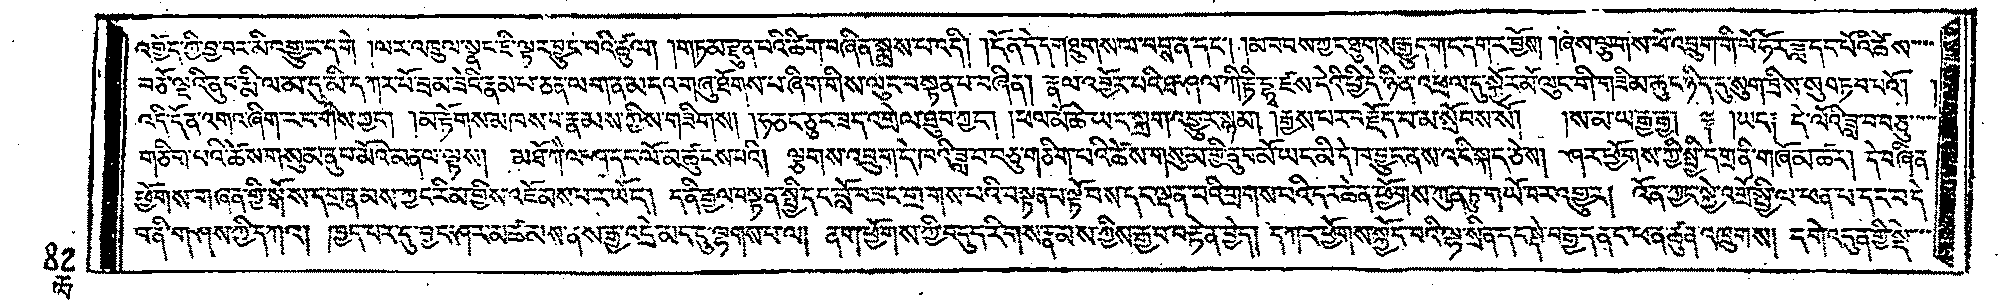འགྱོད་ཀྱི་བྱ་བར་མི་འགྱུར་དགེ །ལར་འཁྲུལ་སྣང་ཇི་ལྟར་བྱུང་བའི་ཚུལ། །གཏམ་རྫུན་པའི་ཚིག་བཞིན་སྨྲས་པ་འདི། །དོན་དེ་དག་ཐུགས་ལ་བབས་ན་དང་། །མ་བབས་ཀྱང་ཐུགས་རྒྱུད་གང་དག་ར་བྱོས། །ཞེས་ལྕགས་ཕོ་འབྲུག་གི་ལོ་ཧོར་ཟླ་དང་པོའི་ཚེས་
བཅོ་ལྔའི་ནུབ་རྨི་ལམ་དུ་མི་དཀར་པོ་བྲམ་ཟེའི་རྣམ་པ་ཅན་ལག་ན་མདའ་གཞུ་ཐོགས་པ་ཞིག་གིས་ལུང་བསྟན་པ་བཞིན། རྣལ་འབྱོར་པའི་ཐ་ཤལ་ཀི་རྟི་དྷྭ་ཛས་དེའི་ཕྱི་དེ་ཉིན་འཕྲལ་དུ་སྐྱོར་མོ་ལུང་གི་གཟིམ་ཆུང་ཉིད་དུ་སུག་བྲིས་སུ་བཏབ་པའོ། །
འདི་དོན་འགའ་ཞིག་རང་གིས་ཀྱང་། །མ་རྟོགས་མཁས་པ་རྣམས་ཀྱིས་གཟིགས། །ཧ་ཅང་ཅུང་ཟད་འགྲེལ་ཐུབ་ཀྱང་། །ཕལ་མོ་ཆེ་ཡང་སྐྲག་འགྱུར་སྙམ། །རྒྱས་པར་བརྗོད་པ་མ་སྤོབས་སོ། །ས་མ་ཡ་རྒྱ་རྒྱ། ༈ །ཡང༑ དེ་ལོའི་ཟླ་བ་བཅུ་
གཅིག་པའི་ཚེས་གསུམ་ནུབ་མོའི་མནལ་ལྟས། མཐོ་ཀཻ་ལ་ཤ་དང་ལོ་མཚུངས་པའི། ལྕགས་འབྲུག་དེ་ཁའི་ཟླ་བ་བཅུ་གཅིག་པའི་ཚེས་གསུམ་གྱི་ནུབ་མོ་ཡང་མི་དེ་ཁ་བྱུང་ནས་འདི་སྐད་ཅེས། ཤར་ཕྱོགས་ཀྱི་སྤྲི་དགྲ་ནི་གཞོམ་ཚར། དེ་བཞིན་
ཕྱོགས་གཞན་གྱི་སྒོས་དགྲ་རྣམས་ཀྱང་རིམ་གྱིས་འཇོམས་པར་ཡོད། ད་ནི་རྒྱལ་བསྟན་སྤྱི་དང་བློ་བཟང་གྲགས་པའི་བསྟན་པ་སྟོབས་དང་ལྡན་པའི་གྲགས་པའི་དར་ཆེན་ཕྱོགས་ཀུན་ཏུ་གཡོ་བར་འགྱུར། འོན་ཀྱང་སྐྱེ་འགྲོ་སྤྱི་ལ་ཕན་པ་དང་བདེ་
བ་ནི་གཤས་ཀྱི་དཀའ། ཁྱད་པར་དུ་བྱང་ཤར་མཚམས་ནས་རྒྱ་འདྲེ་མང་དུ་ལྷགས་པ་ལ། ནག་ཕྱོགས་ཀྱི་བདུད་རིགས་རྣམས་ཀྱིས་རྒྱབ་བརྟེན་བྱེད། དཀར་ཕྱོགས་སྐྱོང་བའི་ལྷ་སྲིན་དང་སྡེ་བརྒྱད་ནང་ཕན་ཚུན་འཁྲུགས། དགེ་འདུན་གྱི་སྡེ་